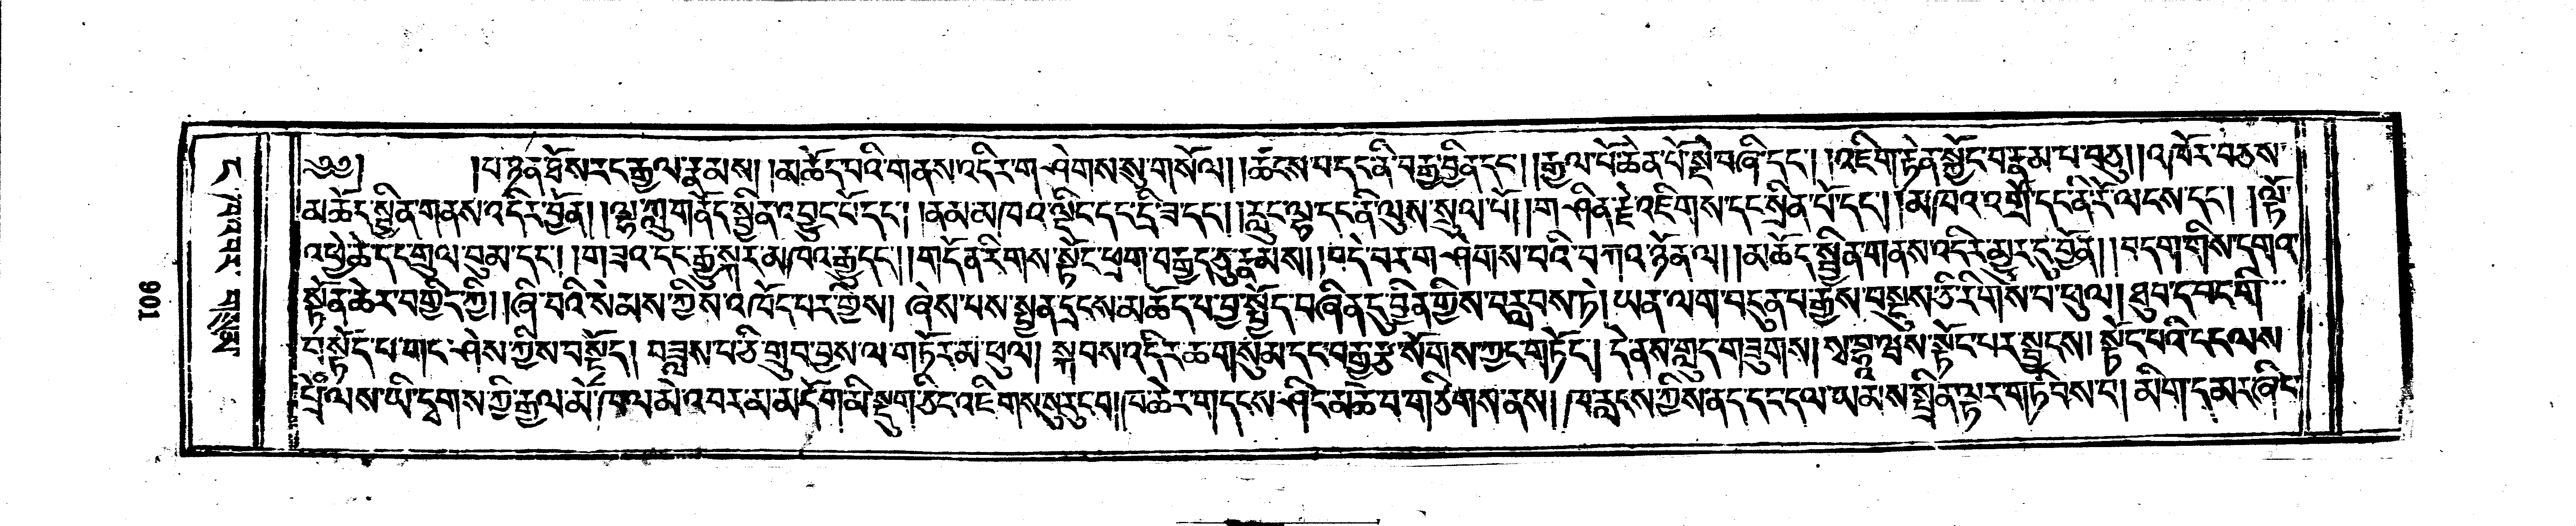༄༅། །པ་ཉན་ཐོས་རང་རྒྱལ་རྣམས། །མཆོད་པའི་གནས་འདིར་གཤེགས་སུ་གསོལ། །ཚངས་པ་དང་ནི་བརྒྱ་བྱིན་དང་། །རྒྱལ་པོ་ཆེན་པོ་སྡེ་བཞི་དང་། །འཇིག་རྟེན་སྐྱོང་བ་རྣམ་པ་བཅུ། །འཁོར་བཅས་
མཆོད་སྦྱིན་གནས་འདིར་བྱོན། །ལྷ་ཀླུ་གནོད་སྦྱིན་འབྱུང་པོ་དང་། །ནམ་མཁའ་ལྡིང་དང་དྲི་ཟ་དང་། །རླུང་ལྷ་དང་ནི་ལུས་སྲུལ་པོ། །གཤིན་རྗེ་འཇིགས་དང་སྲིན་པོ་དང་། །མཁའ་འགྲོ་དང་ནི་རོ་ལངས་དང་། །ལྟོ་
འཕྱེ་ཆེ་དང་གྲུལ་བུམ་དང་། །གཟའ་དང་རྒྱུ་སྐར་མཁའ་རྒྱུ་དང་། །གདོན་རིགས་སྟོང་ཕྲག་བརྒྱད་ཅུ་རྣམས། །བདེ་བར་གཤེགས་པའི་བཀའ་ཉོན་ལ། །མཆོད་སྦྱིན་གནས་འདིར་མྱུར་དུ་བྱོན། །བདག་གིས་དགའ་
སྟོན་ཆེར་བགྱིད་ཀྱི། །ཞི་བའི་སེམས་ཀྱིས་འཁོད་པར་གྱིས། ཞེས་པས་སྤྱན་དྲངས་མཆོད་པ་བྱ་སྤྱོད་བཞིན་དུ་བྱིན་གྱིས་བརླབས་ཏེ། ཡན་ལག་བདུན་པ་རྒྱས་བསྡུས་ཅི་རིགས་པ་ཕུལ། ཐུབ་དབང་གི་
བསྟོད་པ་གང་ཤེས་ཀྱིས་བསྟོད། བཟླས་པ་ཅི་གྲུབ་བྱས་ལ་གཏོར་མ་ཕུལ། སྐབས་འདིར་ཆ་གསུམ་དང་བརྒྱ་རྩ་སོགས་ཀྱང་གཏོང་། དེ་ནས་གླུད་གཟུགས། སྭ་བྷཱ་ཝས་སྟོང་པར་སྦྱངས། སྟོང་པའི་ངང་ལས་
པྲེཾ་ལས་ཡི་དྭགས་ཀྱི་རྒྱལ་མོ་ཁ་ལ་མེ་འབར་མ་མདོག་མི་སྡུག་ཅིང་འཇིགས་སུ་རུང་བ། ཁ་ཆེར་གདངས་ཤིང་མཆེ་བ་གཙིགས་ནས། ཁ་རླངས་ཀྱིས་ནད་དང་དལ་ཡམས་སྤྲིན་ལྟར་གཏིབས་པ། མིག་དམར་ཞིང་